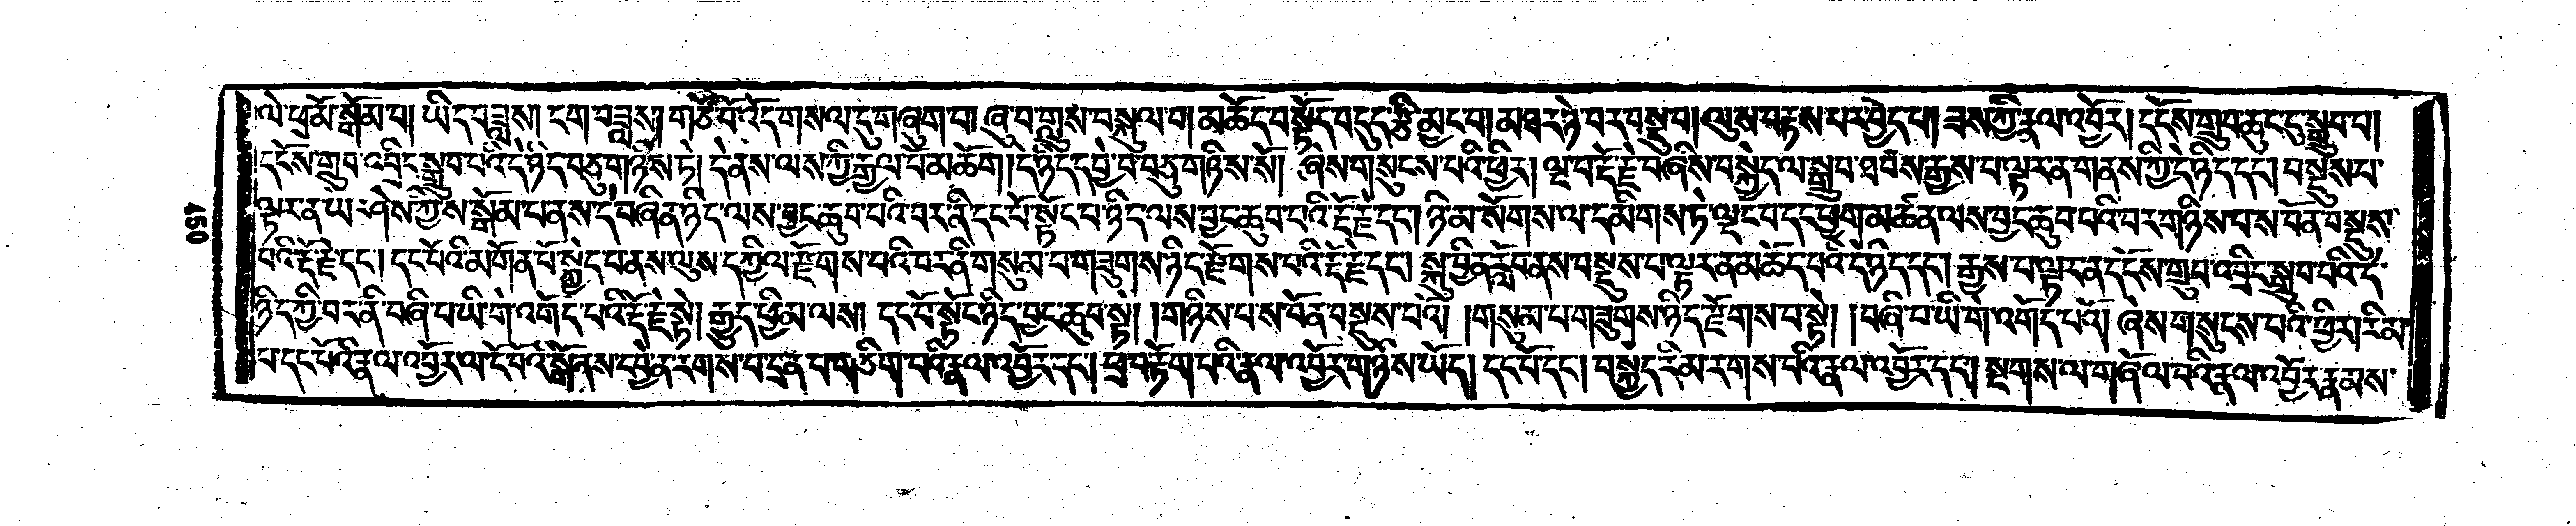ལེ་ཕྲ་མོ་སྒོམ་པ། ཡིད་བཟླས། ངག་བཟླས། གཙོ་བོ་འོད་གསལ་དུ་གཞུག་པ། ཞུ་བ་གླུས་བསྐུལ་བ། མཆོད་བསྟོད་བདུད་རྩི་མྱང་བ། མཐར་ཉེ་བར་བསྡུ་བ། ལུས་བརྟས་པར་བྱེད་པ། ཟས་ཀྱི་རྣལ་འབྱོར། དངོས་གྲུབ་ཆུང་དུ་སྒྲུབ་པ།
དངོས་གྲུབ་འབྲིང་སྒྲུབ་པའི་དེ་ཉིད་བཅུ་གཉིས་ཏེ། དེ་ནས་ལས་ཀྱི་རྒྱལ་པོ་མཆོག །དེ་ཉིད་དབྱེ་བ་བཅུ་གཉིས་སོ། ཞེས་གསུངས་པའི་ཕྱིར། ལྔ་པ་རྡོ་རྗེ་བཞིས་བསྐྱེད་ལ་སྒྲུབ་ཐབས་རྒྱས་པ་ལྟར་ན་གནས་ཀྱི་དེ་ཉིད་དང་། བསྡུས་པ་
ལྟར་ན་ཡེ་ཤེས་ཀྱིས་སྒོམ་པ་ནས་དེ་བཞིན་ཉིད་ལས་བྱང་ཆུབ་པའི་བར་ནི་དང་པོ་སྟོང་པ་ཉིད་ལས་བྱང་ཆུབ་པའི་རྡོ་རྗེ་དང་། ཉི་མ་སོགས་ལ་དམིགས་ཏེ་ལྡང་བ་དང་ཕྱག་མཚན་ལས་བྱང་ཆུབ་པའི་བར་གཉིས་པ་ས་བོན་བསྡུས་
པའི་རྡོ་རྗེ་དང་། དང་པོའི་མགོན་པོ་སྐྱེད་པ་ནས་ལུས་དཀྱིལ་རྫོགས་པའི་བར་ནི་གསུམ་པ་གཟུགས་ཉིད་རྫོགས་པའི་རྡོ་རྗེ་དང་། སྐུ་བྱིན་རློབ་ནས་བསྡུས་པ་ལྟར་ན་མཆོད་པའི་དེ་ཉིད་དང་། རྒྱས་པ་ལྟར་ན་དངོས་གྲུབ་འབྲིང་སྒྲུབ་པའི་དེ་
ཉིད་ཀྱི་བར་ནི་བཞི་པ་ཡི་གེ་འགོད་པའི་རྡོ་རྗེ་སྟེ། རྒྱུད་ཕྱི་མ་ལས། དང་པོ་སྟོང་ཉིད་བྱང་ཆུབ་སྟེ། །གཉིས་པ་ས་བོན་བསྡུས་པའོ། །གསུམ་པ་གཟུགས་ཉིད་རྫོགས་པ་སྟེ། །བཞི་པ་ཡི་གེ་འགོད་པའོ། །ཞེས་གསུངས་པའི་ཕྱིར། རིམ་
པ་དང་པོའི་རྣལ་འབྱོར་ལ་ངོ་བོའི་སྒོ་ནས་དབྱེ་ན་རགས་པ་དྲན་པ་གཅིག་པའི་རྣལ་འབྱོར་དང་། དྲ་བ་རྟོག་པའི་རྣལ་འབྱོར་གཉིས་ཡོད། དང་པོ་དང་། བསྐྱེད་རིམ་རགས་པའི་རྣལ་འབྱོར་དང་། སྔགས་ལ་གཞོལ་བའི་རྣལ་འབྱོར་རྣམས་